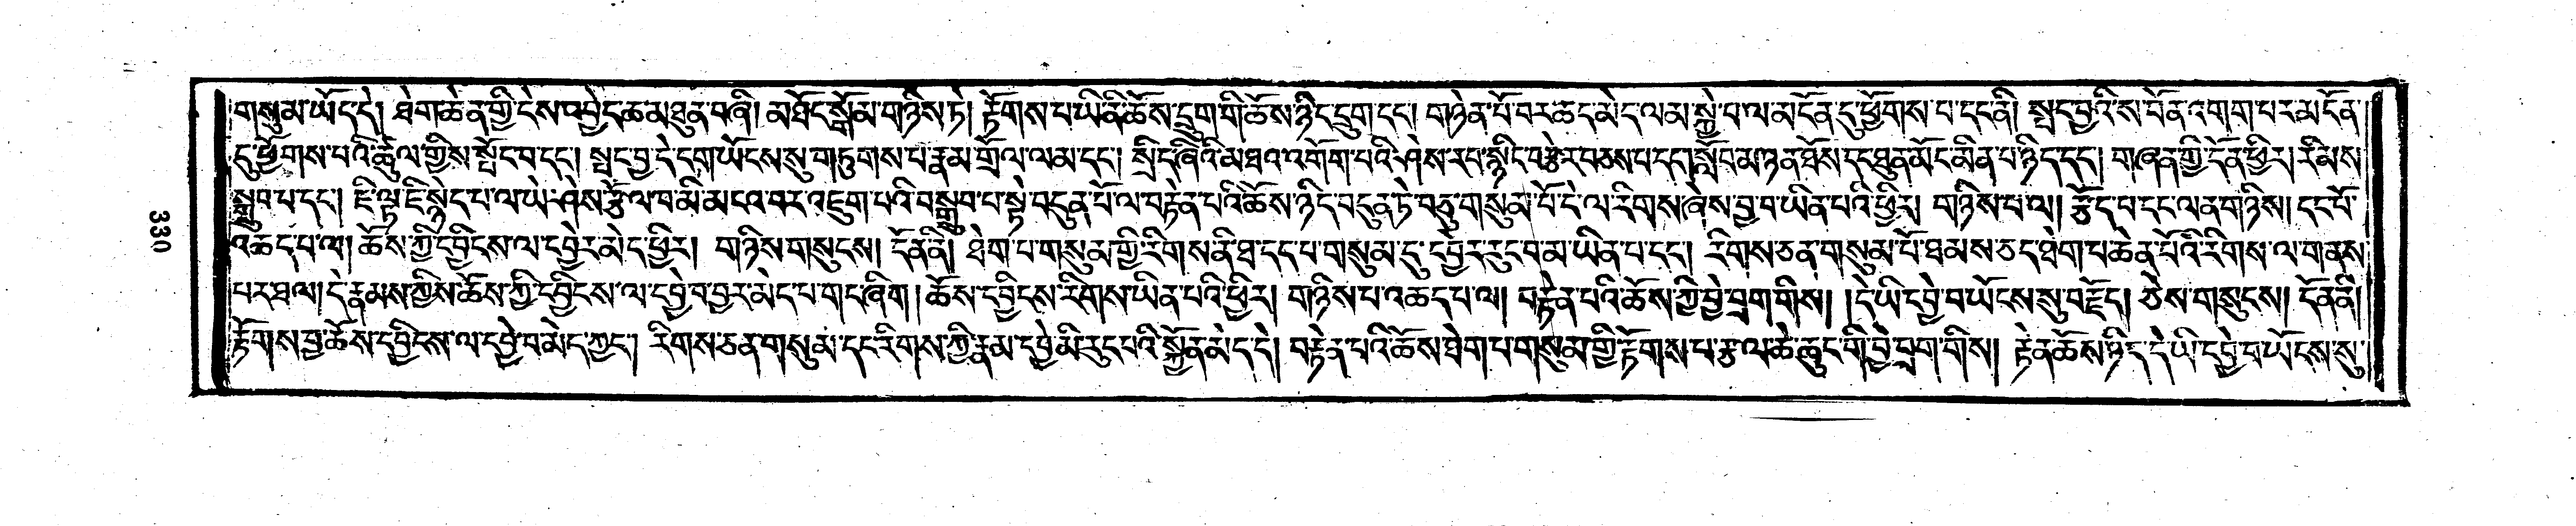གསུམ་ཡོད་དེ། ཐེག་ཆེན་གྱི་ངེས་འབྱེད་ཆ་མཐུན་བཞི། མཐོང་སྒོམ་གཉིས་ཏེ། རྟོགས་པ་ཡི་ནི་ཆོས་དྲུག་གི་ཆོས་ཉིད་དྲུག་དང་། གཉེན་པོ་བར་ཆད་མེད་ལམ་སྐྱེ་བ་ལ་མངོན་དུ་ཕྱོགས་པ་དང་ནི། སྤང་བྱའི་ས་བོན་འགག་པར་མངོན་
དུ་ཕྱོགས་པའི་ཚུལ་གྱིས་སྤོང་བ་དང་། སྤང་བྱ་དེ་དག་ཡོངས་སུ་གཏུགས་པ་རྣམ་གྲོལ་ལམ་དང་། སྲིད་ཞིའི་མཐའ་འགོག་པའི་ཤེས་རབ་སྙིང་བརྩེར་བཅས་པ་དང་། སློབ་མ་ཉན་ཐོས་དང་ཐུན་མོང་མིན་པ་ཉིད་དང་། གཞན་གྱི་དོན་ཕྱིར། རིམས་
སྒྲུབ་པ་དང་། ཇི་ལྟ་ཇི་སྙེད་པ་ལ་ཡེ་ཤེས་རྩོལ་བ་མི་མངའ་བར་འཇུག་པའི་བསྒྲུབ་པ་སྟེ་བདུན་པོ་ལ་བརྟེན་པའི་ཆོས་ཉིད་བདུན་ཏེ་བཅུ་གསུམ་པོ་དེ་ལ་རིགས་ཞེས་བྱ་བ་ཡིན་པའི་ཕྱིར། གཉིས་པ་ལ། རྩོད་པ་དང་ལན་གཉིས། དང་པོ་
འཆད་པ་ལ། ཆོས་ཀྱི་དབྱིངས་ལ་དབྱེར་མེད་ཕྱིར། གཉིས་གསུངས། དོན་ནི། ཐེག་པ་གསུམ་གྱི་རིགས་ནི་ཐ་དད་པ་གསུམ་དུ་དབྱེར་རུང་བ་མ་ཡིན་པ་དང་། རིགས་ཅན་གསུམ་པོ་ཐམས་ཅད་ཐེག་པ་ཆེན་པོའི་རིགས་ལ་གནས་
པར་ཐལ། དེ་རྣམས་ཀྱིས་ཆོས་ཀྱི་དབྱིངས་ལ་དབྱེ་བ་བྱར་མེད་པ་གང་ཞིག །ཆོས་དབྱིངས་རིགས་ཡིན་པའི་ཕྱིར། གཉིས་པ་འཆད་པ་ལ། བརྟེན་པའི་ཆོས་ཀྱི་བྱེ་བྲག་གིས། །དེ་ཡི་དབྱེ་བ་ཡོངས་སུ་བརྗོད། ཅེས་གསུངས། དོན་ནི།
རྟོགས་བྱ་ཆོས་དབྱིངས་ལ་དབྱེ་བ་མེད་ཀྱང་། རིགས་ཅན་གསུམ་དང་རིགས་ཀྱི་རྣམ་དབྱེ་མི་རུང་བའི་སྐྱོན་མེད་དེ། བརྟེན་པའི་ཆོས་ཐེག་པ་གསུམ་གྱི་རྟོགས་པ་རྩལ་ཆེ་ཆུང་གི་བྱེ་བྲག་གིས། རྟེན་ཆོས་ཉིད་དེ་ཡི་དབྱེ་བ་ཡོངས་སུ་